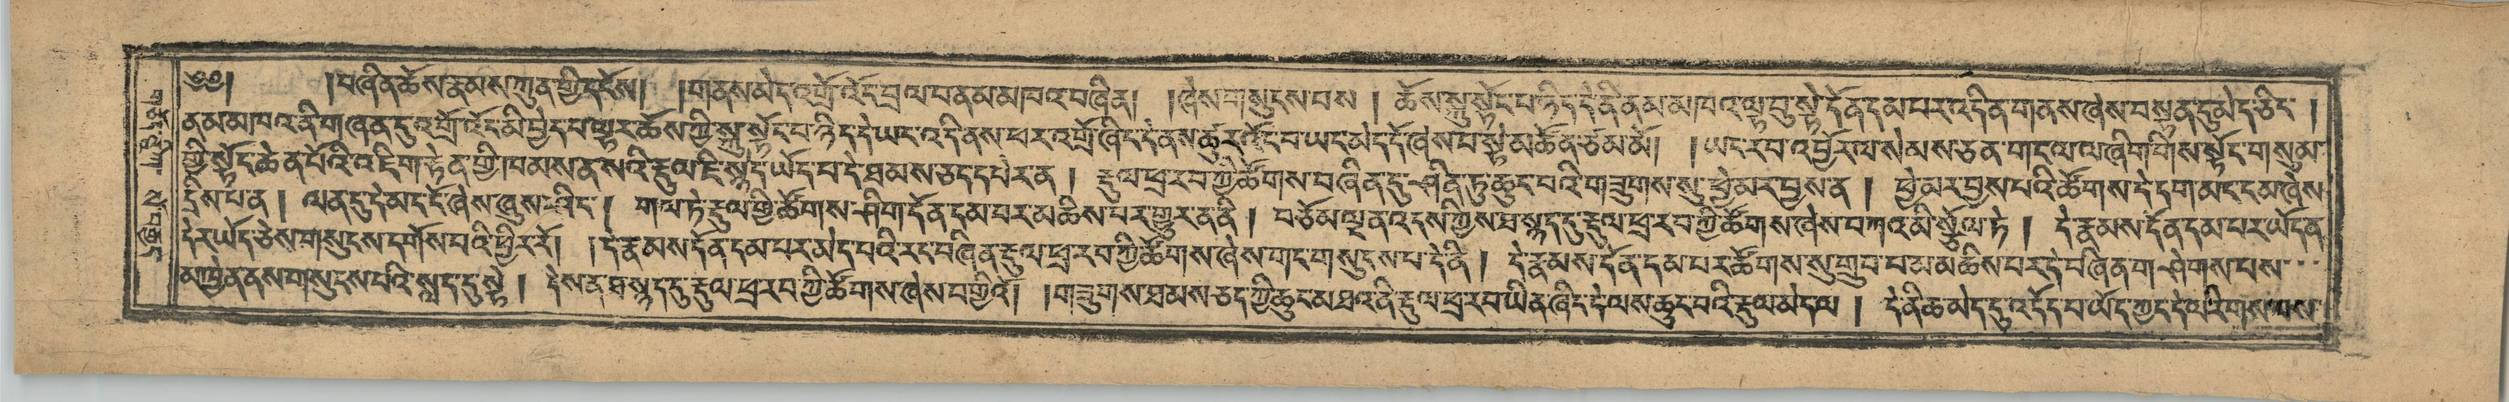༄༅། །བཞིན་ཆོས་རྣམས་ཀུན་གྱི་དངོས། །གནས་མེད་འགྲོ་འོང་བྲལ་བ་ནམ་མཁའ་བཞིན། །ཞེས་གསུངས་པས། ཆོས་སྐུ་སྟོང་པ་ཉིད་དེ་ནི་ནམ་མཁའ་ལྟ་བུ་སྟེ་དོན་དམ་པར་འདི་ན་གནས་ཞེས་བསྟན་དུ་མེད་ཅིང་།
ནམ་མཁའ་ནི་གཞན་དུ་འགྲོ་འོང་མི་བྱེད་པ་ལྟར་ཆོས་ཀྱི་སྐུ་སྟོང་པ་ཉིད་དེ་ཡང་འདི་ནས་ཕར་འགྲོ་ཞིང་དེ་ནས་ཚུར་འོང་བ་ཡང་མེད་དོ་ཞེས་པ་སྟེ་མཚོན་ཙམ་མོ། །ཡང་རབ་འབྱོར་ལ་སེམས་ཅན་གང་ལ་ལ་ཞིག་གིས་སྟོང་གསུམ་
གྱི་སྟོང་ཆེན་པོའི་འཇིག་རྟེན་གྱི་ཁམས་ན་སའི་རྡུལ་ཇི་སྙེད་ཡོད་པ་དེ་ཐམས་ཅད་དཔེར་ན། རྡུལ་ཕྲ་རབ་ཀྱི་ཚོགས་བཞིན་དུ་ཤིན་ཏུ་ཆུང་བའི་གཟུགས་སུ་ཕྱེ་མར་བྱས་ན། ཕྱེ་མར་བྱས་པའི་ཚོགས་དེ་དག་མང་ངམ་ཞེས་
དྲིས་པ་ན། ལན་དུ་དེ་མང་ངོ་ཞེས་ཞུས་ཤིང་། གལ་ཏེ་རྡུལ་གྱི་ཚོགས་ཤིག་དོན་དམ་པར་མཆིས་པར་གྱུར་ན་ནི། བཅོམ་ལྡན་འདས་ཀྱིས་ཐ་སྙད་དུ་རྡུལ་ཕྲ་རབ་ཀྱི་ཚོགས་ཞེས་བཀའ་མི་སྩོལ་ཏེ། དེ་རྣམས་དོན་དམ་པར་ཡོད་ན་
དེར་ཡོད་ཅེས་གསུངས་དགོས་པའི་ཕྱིར་རོ། །དེ་རྣམས་དོན་དམ་པར་མེད་པའི་རང་བཞིན་རྡུལ་ཕྲ་རབ་ཀྱི་ཚོགས་ཞེས་གང་གསུངས་པ་དེ་ནི། དེ་རྣམས་དོན་དམ་པར་ཚོགས་སུ་གྲུབ་པ་མ་མཆིས་པར་དེ་བཞིན་གཤེགས་པས་
མཁྱེན་ནས་གསུངས་པའི་སླད་དུ་སྟེ། དེས་ན་ཐ་སྙད་དུ་རྡུལ་ཕྲ་རབ་ཀྱི་ཚོགས་ཞེས་བགྱིའོ། །གཟུགས་ཐམས་ཅད་ཀྱི་ཆུང་བའི་རྡུལ་ཕྲ་རབ་ཡིན་ཞིང་དེ་ལས་ཆུང་བའི་རྡུལ་མེད་ལ། དེ་ནི་ཆ་མེད་དུ་འདོད་པ་ཡོད་ཀྱང་དེ་ལ་རིགས་པས་